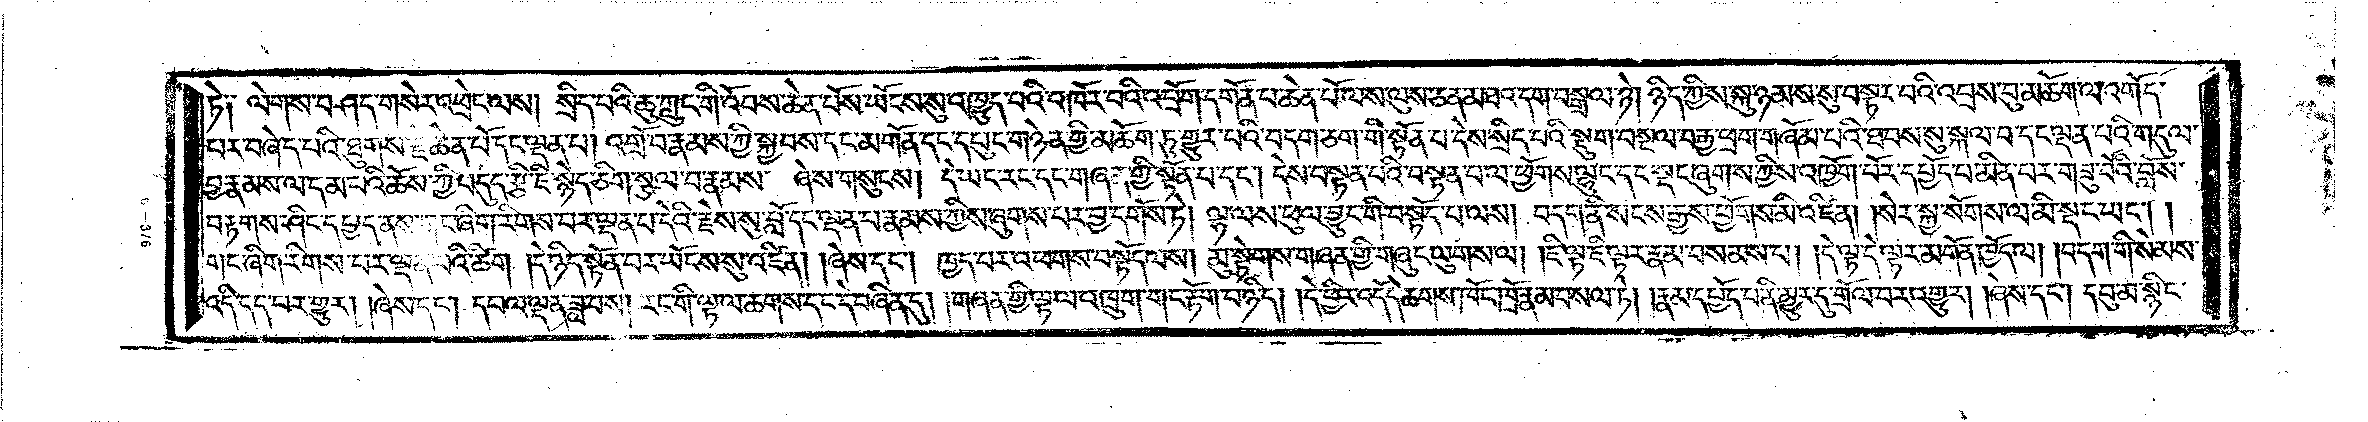ཏེ༑ ལེགས་བཤད་གསེར་འཕྲེང་ལས། སྲིད་པའི་ཆུ་ཀླུང་གི་འོབས་ཆེན་པོས་ཡོངས་སུ་འཁྱུད་པའི་འཁོར་བའི་འབྲོག་དགོན་པ་ཆེན་པོ་ལས་ལུས་ཅན་མཐའ་དག་བསྒྲལ་ཉེ། ཉིད་ཀྱིས་སྐུ་ཉམས་སུ་བསྟར་བའི་འབྲས་བུ་མཆོག་ལ་འགོད་
པར་བཞེད་པའི་ཐུགས་རྗེ་ཆེན་པོ་དང་ལྡན་པ། འགྲོ་བ་རྣམས་ཀྱི་སྐྱབས་དང་མགོན་དང་དཔུང་གཉེན་གྱི་མཆོག་ཏུ་གྱུར་པའི་བདག་ཅག་གི་སྟོན་པ་དེས་སྲིད་པའི་སྡུག་བསྔལ་བརྒྱ་ཕྲག་གཞོམ་པའི་ཐབས་སུ་སྐལ་བ་དང་ལྡན་པའི་གདུལ་
བྱ་རྣམས་ལ་དམ་པའི་ཆོས་ཀྱི་བདུད་རྩི་ཇི་སྙེད་ཅིག་སྩལ་བ་རྣམས་ཞེས་གསུངས། དེ་ཡང་རང་དང་གཞན་གྱི་སྟོན་པ་དང་། དེས་བསྟན་པའི་བསྟན་པ་ལ་ཕྱོགས་ལྷུང་དང་སྡང་ཞུགས་ཀྱིས་འཁྱོག་པོར་དཔྱོད་པ་མིན་པར་གཟུ་བོའི་བློས་
བརྟགས་ཤིང་དཔྱད་ནས་གང་ཞིག་རིགས་པར་ལྡན་པ་དེའི་རྗེས་སུ་བློ་དང་ལྡན་པ་རྣམས་ཀྱིས་ཞུགས་པར་བྱ་དགོས་ཏེ། ལྷ་ལས་ཕུལ་བྱུང་གི་བསྟོད་པ་ལས། བདག་ནི་སངས་རྒྱས་ཕྱོགས་མི་འཛིན། །སེར་སྐྱ་སོགས་ལ་མི་སྡང་ཡང་། །
གང་ཞིག་རིགས་པར་ལྡན་པའི་ཚིག །དེ་ཉིད་སྟོན་བར་ཡོངས་སུ་འཛིན། །ཞེས་དང་། ཁྱད་པར་འཕགས་བསྟོད་ལས། མུ་སྟེགས་གཞན་གྱི་གཞུང་ལུགས་ལ། །ཇི་ལྟ་ཇི་ལྟར་རྣམ་བསམས་པ། །དེ་ལྟ་དེ་ལྟར་མགོན་ཁྱོད་ལ། །བདག་གི་སེམས་
འདི་དད་པར་གྱུར། །ཞེས་དང་། དཔལ་ལྡན་ཟླ་བས། རང་གི་ལྟ་ལ་ཆགས་དང་དེ་བཞིན་དུ། །གཞན་གྱི་ལྟ་ལ་འཁྲུག་གང་རྟོག་བ་ཉིད། །དེ་ཕྱིར་འདོད་ཆགས་ཁོང་ཁྲོ་རྣམ་བསལ་ཏེ། །རྣམ་དཔྱོད་པ་ནི་མྱུར་དུ་གྲོལ་བར་འགྱུར། །ཞེས་དང་། དབུ་མ་སྙིང་